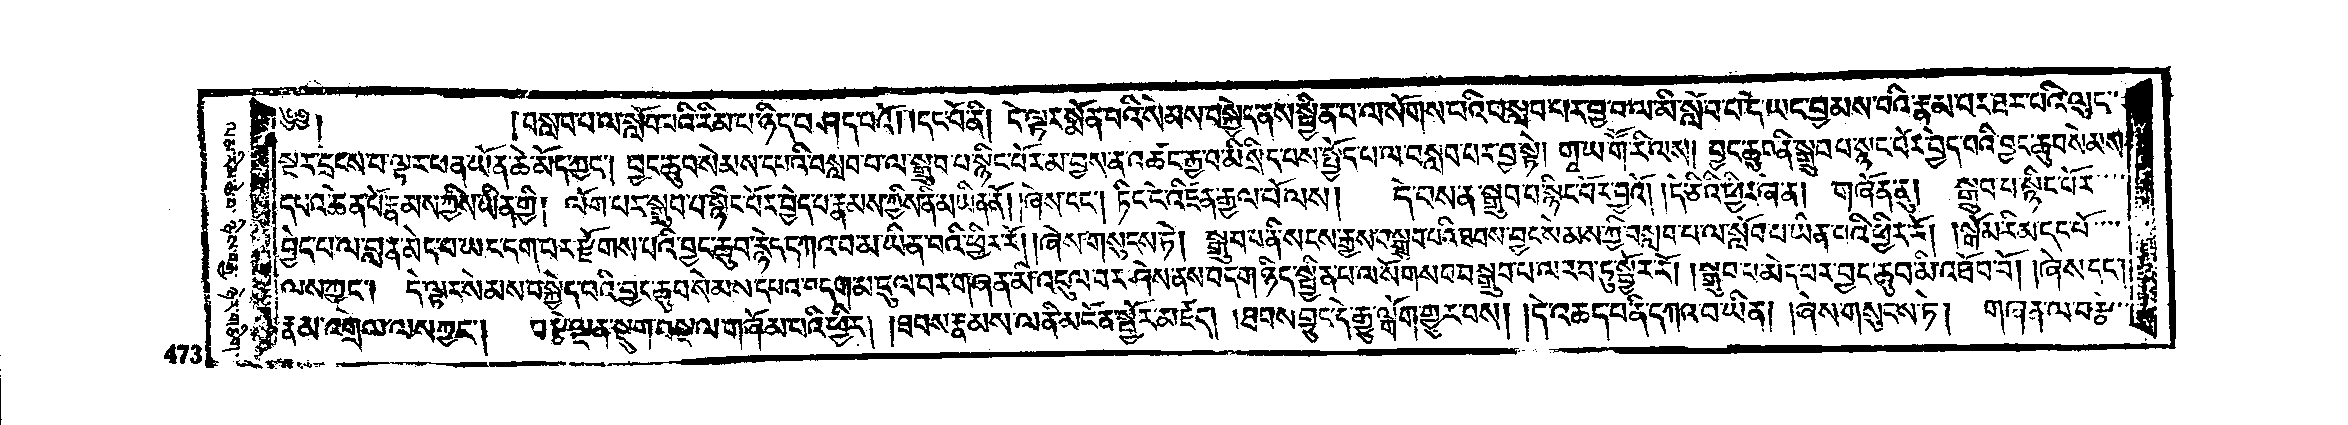༄༅། །བསླབ་པ་ལ་སློབ་པའི་རིམ་པ་ཉིད་བཤད་པའོ། །དང་པོ་ནི། དེ་ལྟར་སྨོན་པའི་སེམས་བསྐྱེད་ནས་སྦྱིན་པ་ལ་སོགས་པའི་བསླབ་པར་བྱ་བ་ལ་མི་སློབ་པ་དེ་ཡང་བྱམས་པའི་རྣམ་པར་ཐར་པའི་ལུང་
སྔར་དྲངས་པ་ལྟར་ཕན་ཡོན་ཆེ་མོད་ཀྱང་། བྱང་ཆུབ་སེམས་དཔའི་བསླབ་པ་ལ་སྒྲུབ་པ་སྙིང་པོར་མ་བྱས་ན་འཚང་རྒྱ་བ་མི་སྲིད་པས་སྤྱོད་པ་ལ་བསླབ་པར་བྱ་སྟེ། གཱ་ཡ་གཽ་རི་ལས། བྱང་ཆུབ་ནི་སྒྲུབ་པ་སྙིང་པོར་བྱེད་པའི་བྱང་ཆུབ་སེམས་
དཔའ་ཆེན་པོ་རྣམས་ཀྱིས་ཡིན་གྱི། ལོག་པར་སྒྲུབ་པ་སྙིང་པོར་བྱེད་པ་རྣམས་ཀྱིས་ནི་མ་ཡིན་ནོ། །ཞེས་དང་། ཏིང་ངེ་འཛིན་རྒྱལ་པོ་ལས། དེ་བས་ན་སྒྲུབ་པ་སྙིང་པོར་བྱའོ། །དེ་ཅིའི་ཕྱིར་ཞེ་ན། གཞོན་ནུ། སྒྲུབ་པ་སྙིང་པོར་
བྱེད་པ་ལ་བླ་ན་མེད་པ་ཡང་དག་པར་རྫོགས་པའི་བྱང་ཆུབ་རྙེད་དཀའ་བ་མ་ཡིན་པའི་ཕྱིར་རོ། །ཞེས་གསུངས་ཏེ། སྒྲུབ་པ་ནི་སངས་རྒྱས་བསྒྲུབ་པའི་ཐབས་བྱང་སེམས་ཀྱི་བསླབ་པ་ལ་སློབ་པ་ཡིན་པའི་ཕྱིར་རོ། །སྒོམ་རིམ་དང་པོ་
ལས་ཀྱང་། དེ་ལྟར་སེམས་བསྐྱེད་པའི་བྱང་ཆུབ་སེམས་དཔའ་བདག་མ་དུལ་བར་གཞན་མི་འདུལ་བར་ཤེས་ནས་བདག་ཉིད་སྦྱིན་པ་ལ་སོགས་པ་བསྒྲུབ་པ་ལ་རབ་ཏུ་སྦྱོར་རོ། །སྒྲུབ་པ་མེད་པར་བྱང་ཆུབ་མི་འཐོབ་བོ། །ཞེས་དང་།
རྣམ་འགྲེལ་ལས་ཀྱང་། བརྩེ་ལྡན་སྡུག་བསྔལ་གཞོམ་པའི་ཕྱིར། །ཐབས་རྣམས་ལ་ནི་མངོན་སྦྱོར་མཛད། །ཐབས་བྱུང་དེ་རྒྱུ་ལྐོག་གྱུར་བས། །དེ་འཆད་པ་ནི་དཀའ་བ་ཡིན། །ཞེས་གསུངས་ཏེ། གཞན་ལ་བརྩེ་